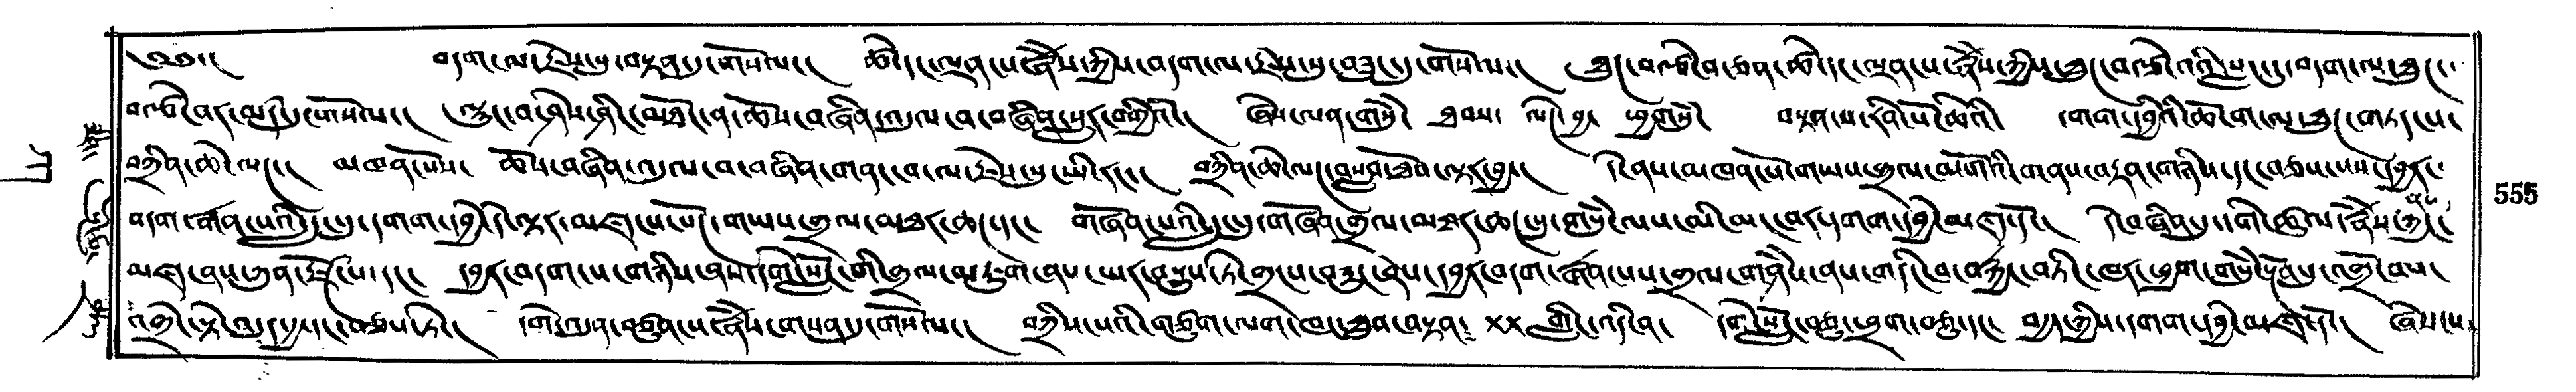བདག་ལ་རྗེས་སུ་བསྟན་དུ་གསོལ། ཚེ་དང་ལྡན་པ་རྣམས་ཀྱིས་བདག་ལ་རྗེས་སུ་བཟུང་དུ་གསོལ། ཐུགས་བརྩེ་བ་ཅན་ཚེ་དང་ལྡན་པ་རྣམས་ཀྱིས་ཐུགས་བརྩེ་བའི་སླད་དུ་བདག་ལ་ཐུགས་
བརྩེ་བར་མཛད་དུ་གསོལ། ལྟུང་བ་ཤེས་ཤིང་མཐོང་ན་ཆོས་བཞིན་འདུལ་བ་བཞིན་སླར་བགྱིའོ།། ཞེས་ལན་གསུམ། ཐབས་ལེགས་བྱ། ཕྱག་གསུམ། བསྟན་པ་རིན་པོ་ཆེའི། དགག་དབྱེའི་ཆོ་ག་ལ་ཐུགས་གཏད་པ་
བཀའ་དྲིན་ཆེ་ལགས།མཁན་པོས། ཆོས་བཞིན་འདུལ་བ་བཞིན་གནང་བ་ལ་རྗེས་སུ་ཡི་རང་། བཀའ་དྲིན་ཆེ་ལགས་བསླབ་ཐོབ་ལྟར་བྱ། དེ་ནས་མཁན་པོ་གཡས་གྲལ་འགོའི་གནས་བརྟན་གཉིས་དང་བཅས་པས་དབྱར་
བདག་རྒན་པའི་དྲུང་དུ་དགག་དབྱེ་དེ་ལྟར་མཛད་པ་སོགས་གཡས་གྲལ་མཐར་ཆགས་དང་། གཞོན་པའི་དྲུང་དུ་གཞོན་གྲལ་མཐར་ཆགས་སུ་གསུམ་ལས་མི་མང་བར་དགག་དབྱེ་མཛད་དོ། དེ་བཞིན་དུ་དགེ་ཚུལ་རྣམས་ནས་ཀྱང་
མཛད་ནས་ཀུན་རྫོགས་པ་དང་། དབྱར་བདག་པ་གཉིས་ནས་དགེ་སློང་གི་གྲལ་མཇུག་ནས་ཡར་བསྡུས་ཏེ་གྲངས་བཟུང་ནས་དབྱར་བདག་རྒན་པས་གྲལ་གཤམ་ནས་གདིང་བ་བརྐྱང་བཏིང་ཁར་ཕྱག་གསུམ་སྔོན་དུ་འགྲོ་བས་
འགྲེང་སྟེ་འདུད་རྒྱ་དང་བཅས་ཏེ། དགེ་འདུན་བཙུན་པ་རྣམས་གསན་དུ་གསོལ། བཀྲ་ཤིས་པའི་གཙུག་ལག་ཁང་ཐུབ་བསྟན༴ xx xx གླིང་འདི་ན། དགེ་སློང་བཅུ་ཕྲག་བཅུ་དང་བརྒྱད་ཀྱིས་དགག་དབྱེ་མཛད་དོ།། ཞེས་པ་